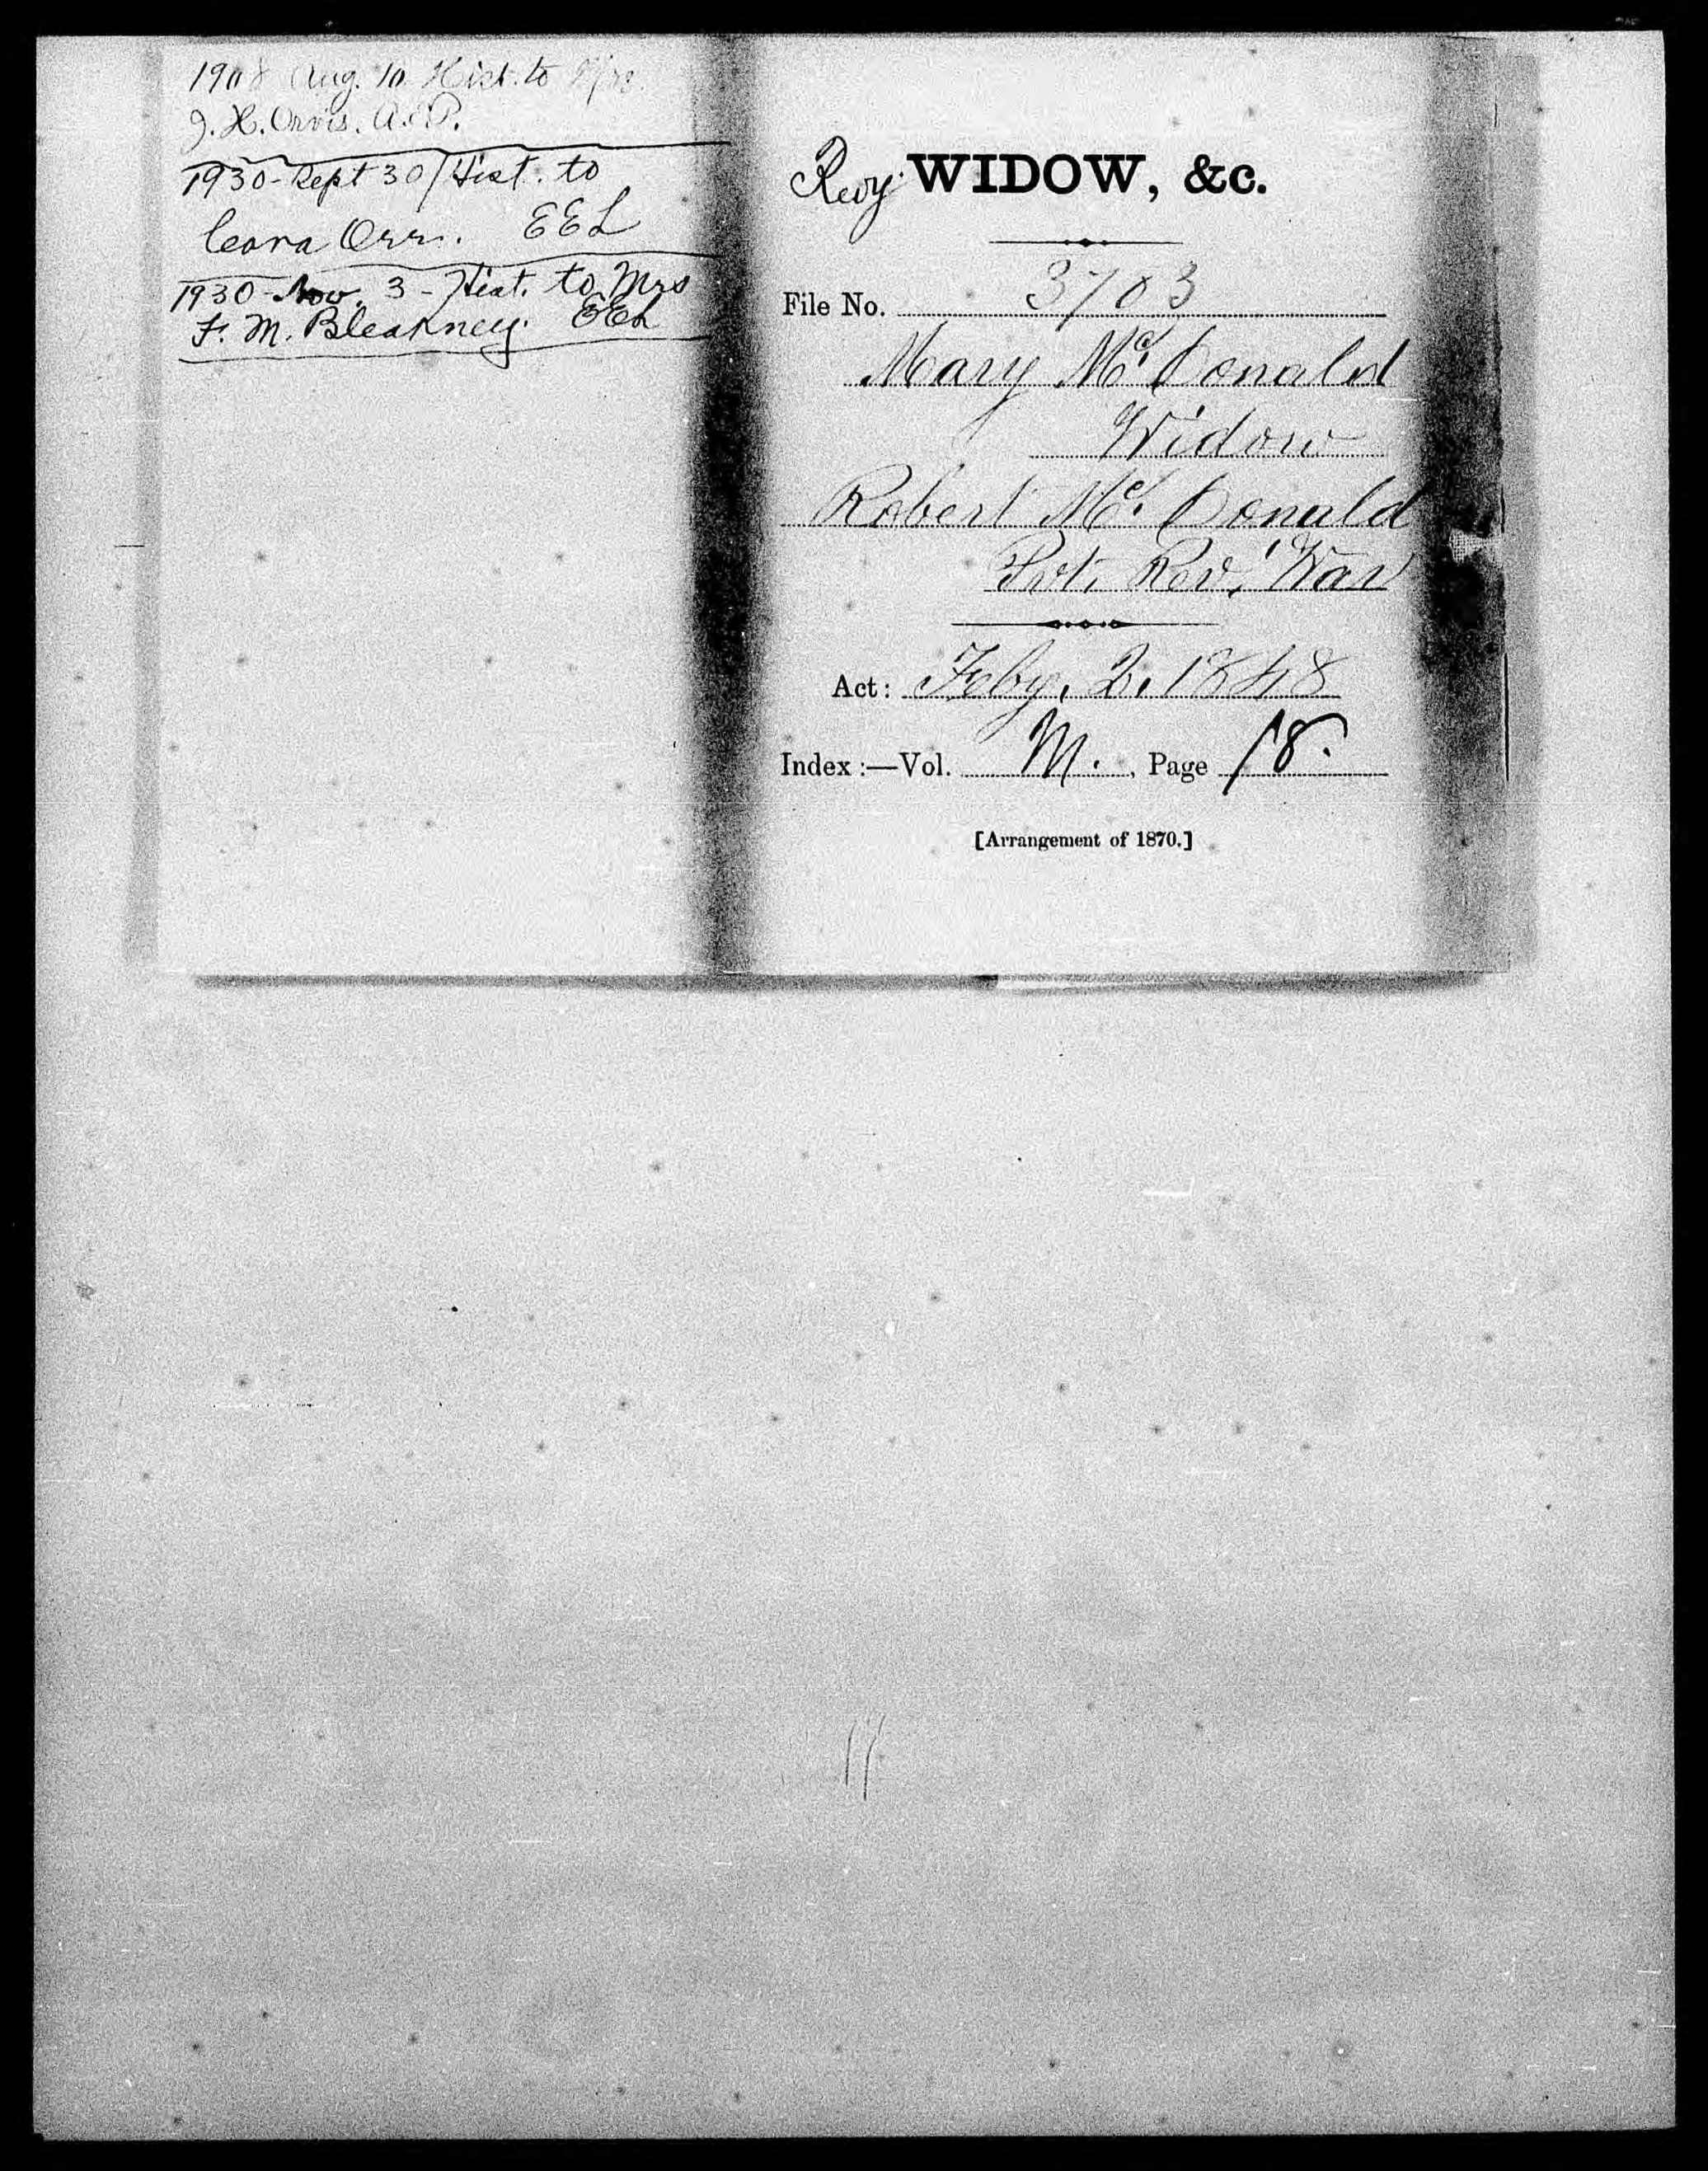1908 Aug 10 Hist toc. Mrs J.A. Orvis. A EP
1930 Sept 30/Hist to Leona Orr EEL
1930 Nov 3-Hist to Mrs F.M. Blearney EEL
Revy WIDOW &
File No. 3703
Mary McDonald
Widow
Robert McDonald
Pvt. Rev. War
Act: Feby, 2, 1828
Index:-Vol. M Page 18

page: 23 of 59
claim: widow's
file: W 3703, for Robert Mc Donald, Pennsylvania